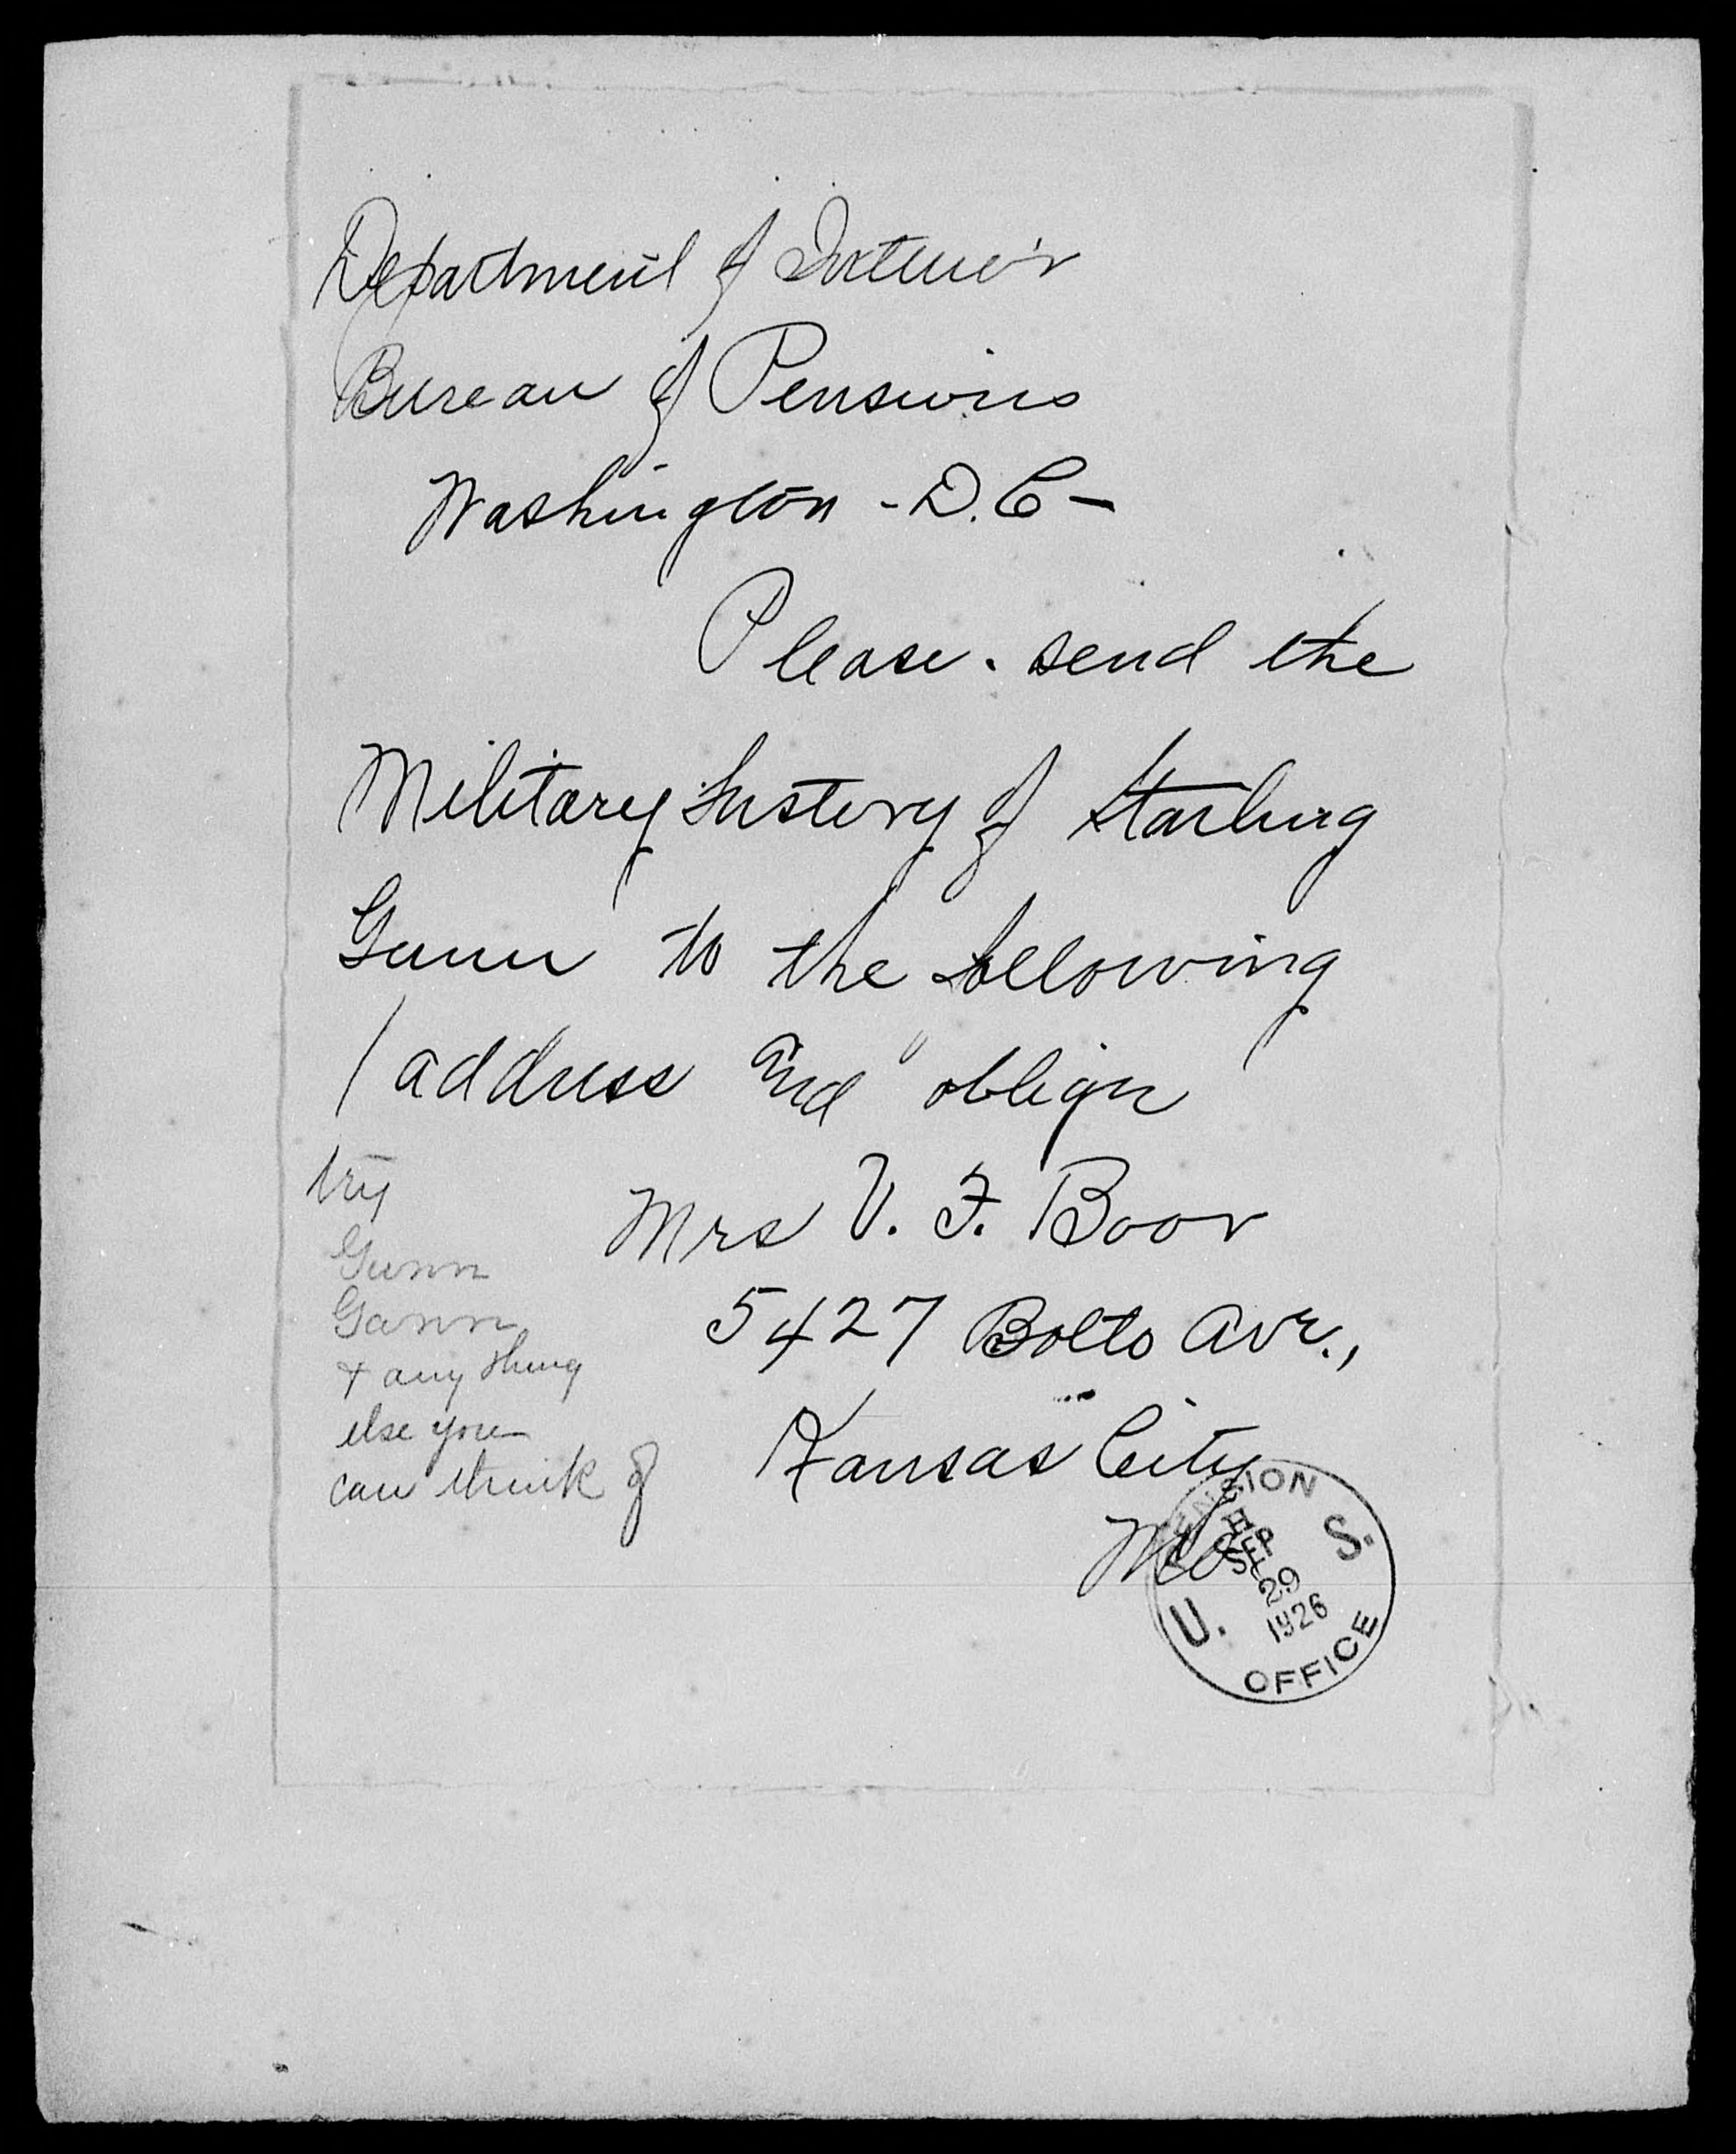Department of Interior  Bureau of Pensions  Washington, D.C.
Please. send the Military history of Starling Gunn to the following address and oblige 
Mrs V. F. Boor
5427 Bolto Ave.,
Kansas City, Mo.

[Margin note:]
Try Gunn Gann & any thing else you can think of

[Stamp:]
U.S. PENSION OFFICE
H  SEP 29 1926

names: V F Boor, Starling Gunn, Gunn, Gunn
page: 41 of 58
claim: survivor's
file: S. 6,941, Starling Gunn, Continental Va.